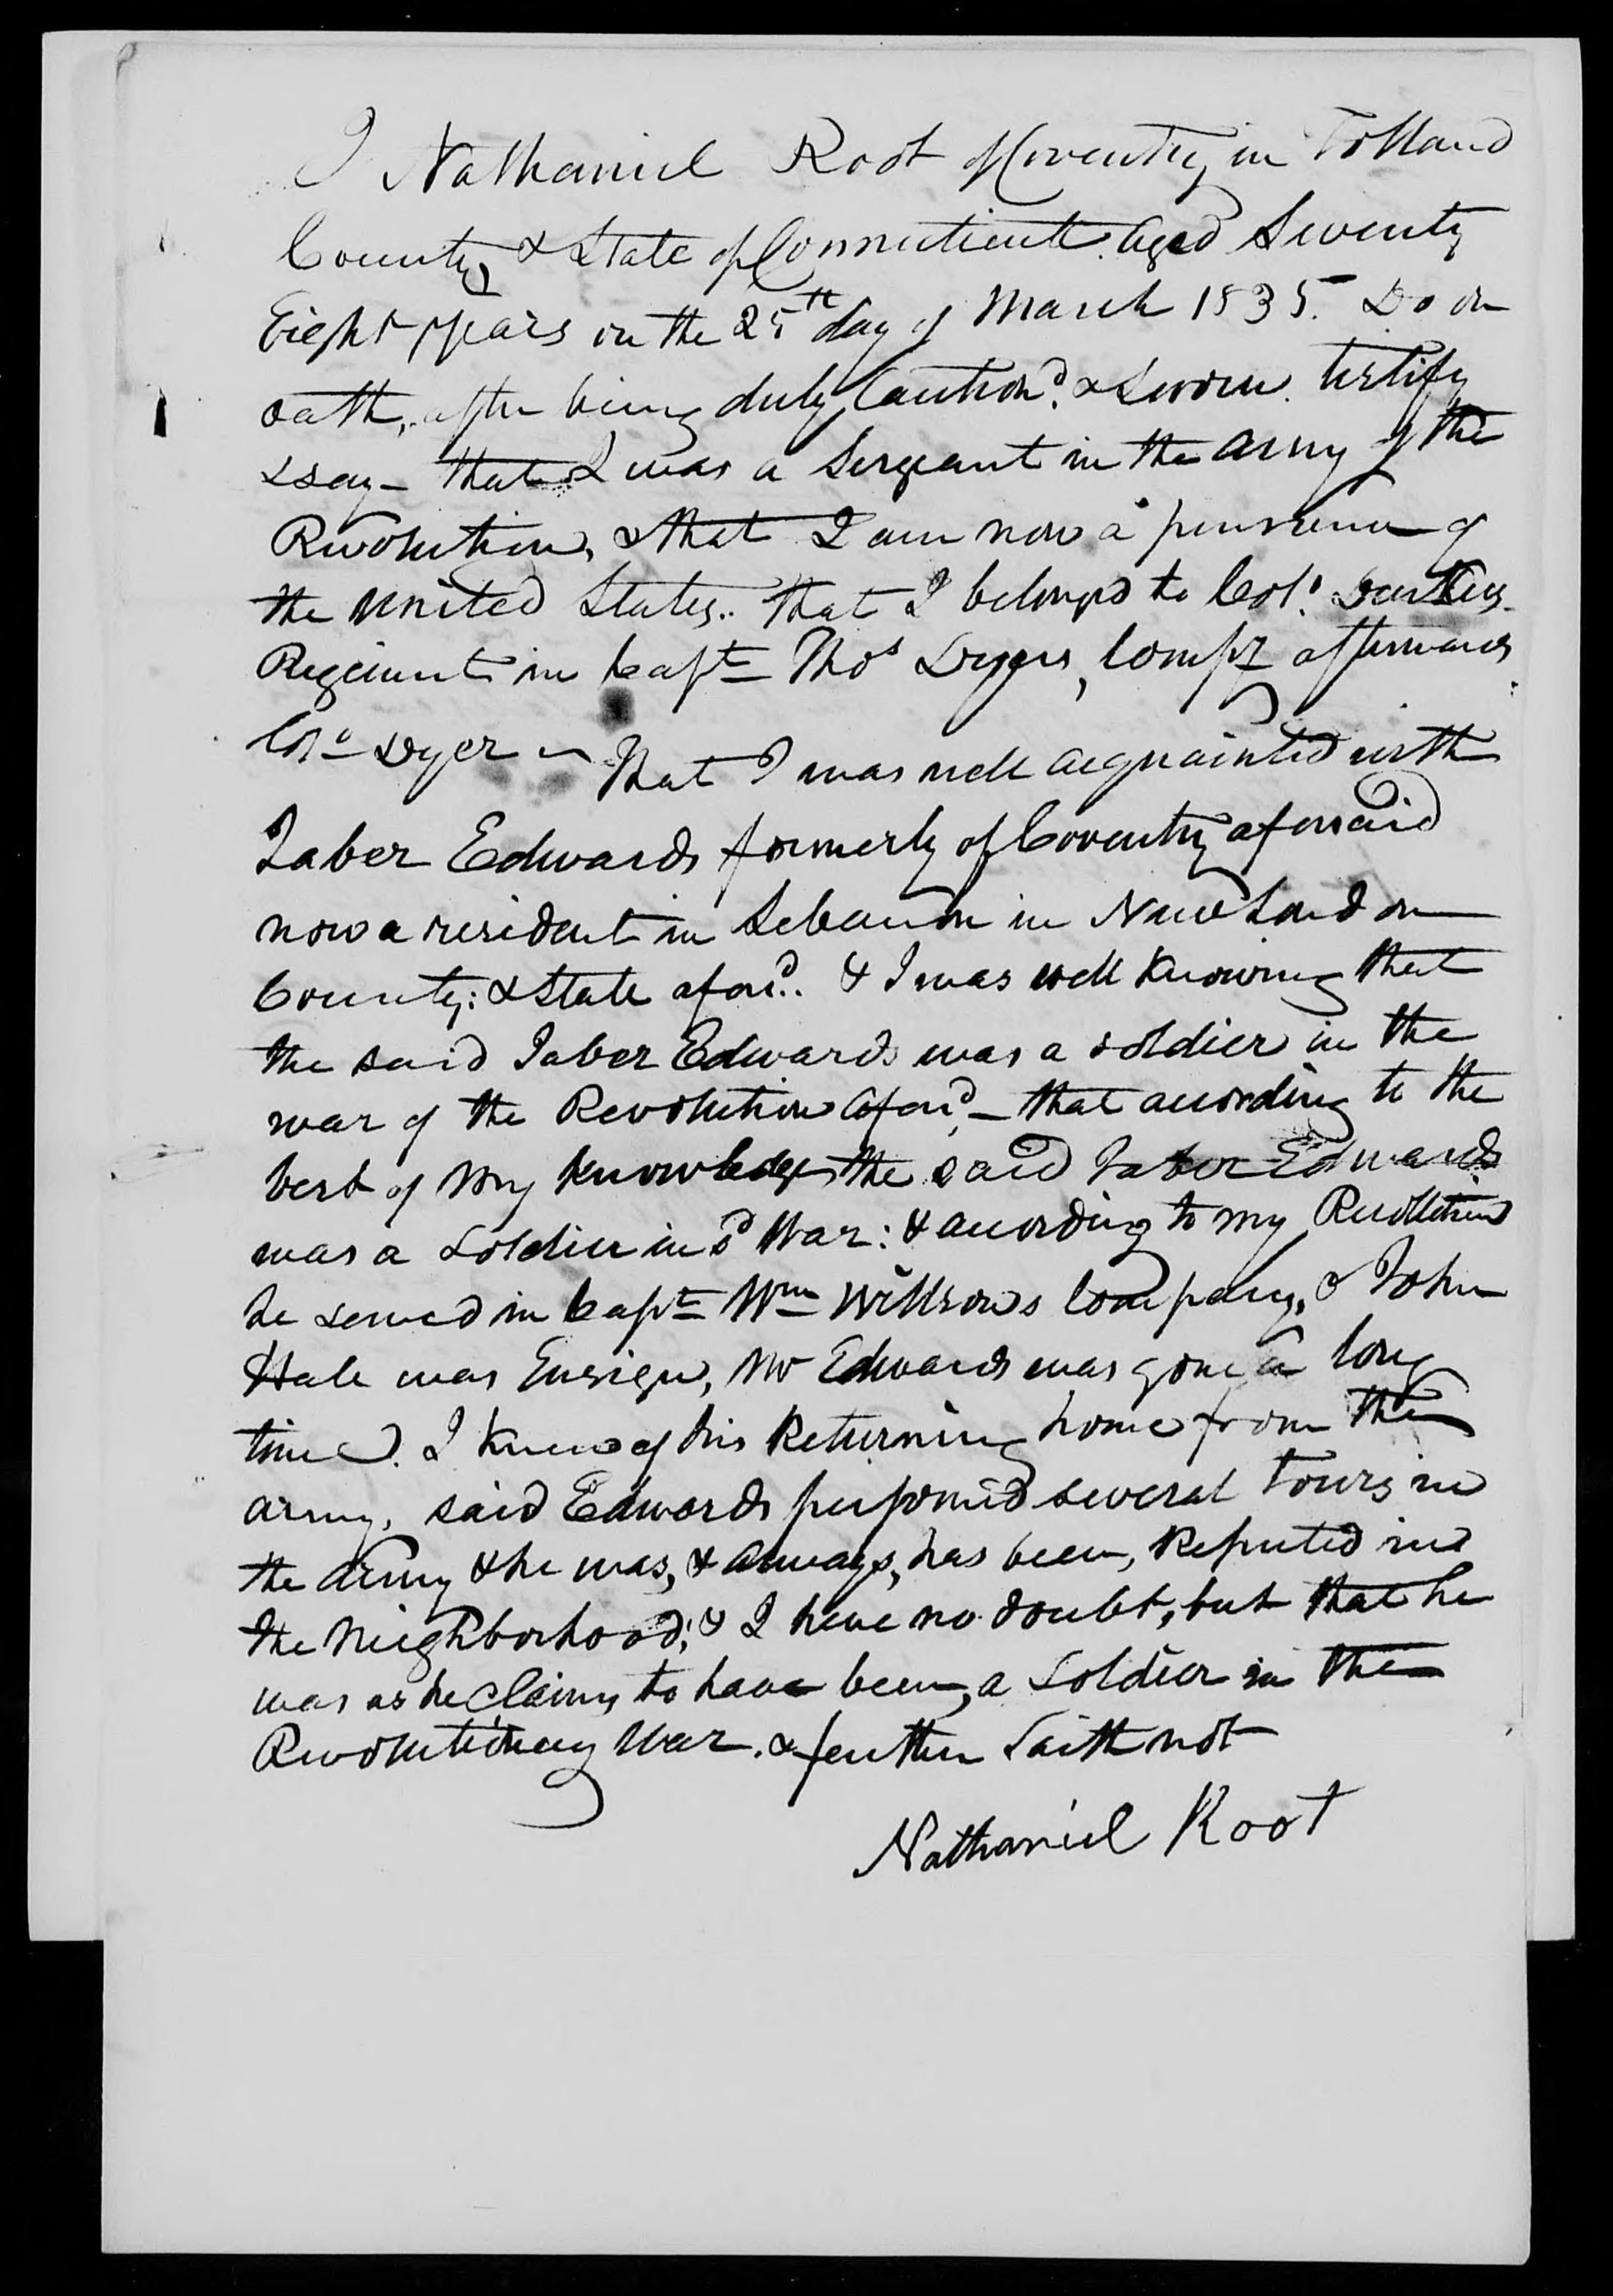I Nathaniel Root of Coventry in Tolland County & State of Connecticut aged seventy eight years on the 25th day of March 1835. Do on oath, after being duly cautioned & sworn testify & say that I was a sergeant in the army of the Revolution, that I am now a pensioner of the United States, that I belonged to Col. (?) regiment in Capt. Thomas Dyers, (?) afterwards (?) Dyer. That I was well acquainted with Jaber Edwards, formerly of Coventry aforesaid now a resident in Lebanon in New London County: State aforesaid & I was well knowing that the said Jaber Edwards was a soldier in the war of the Revolution aforesaid. That according to the best of my knowledge the said Jaber Edwards was a soldier in said War & according to my recollection he served in Capt. Wm. William's company, or John Hale was Ensign, (?) Edwards was gone a long time. I knew of his returning home from the army, said Edwards performed several tours in the army & he was, & always has been, reputed in the neighborhood & I have no doubt, but that he was as he claims to have been, a soldier in the Revolutionary War & further saith not.

Nathaniel Root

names: Edwards, Nathaniel Root, Edwards, Jabez Edwards, Nathaniel Root, Jabez Edwards, Jabez Edwards, John Hale, Dyer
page: 19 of 50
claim: survivor's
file: S 10607, Jabez Edwards, Conn.